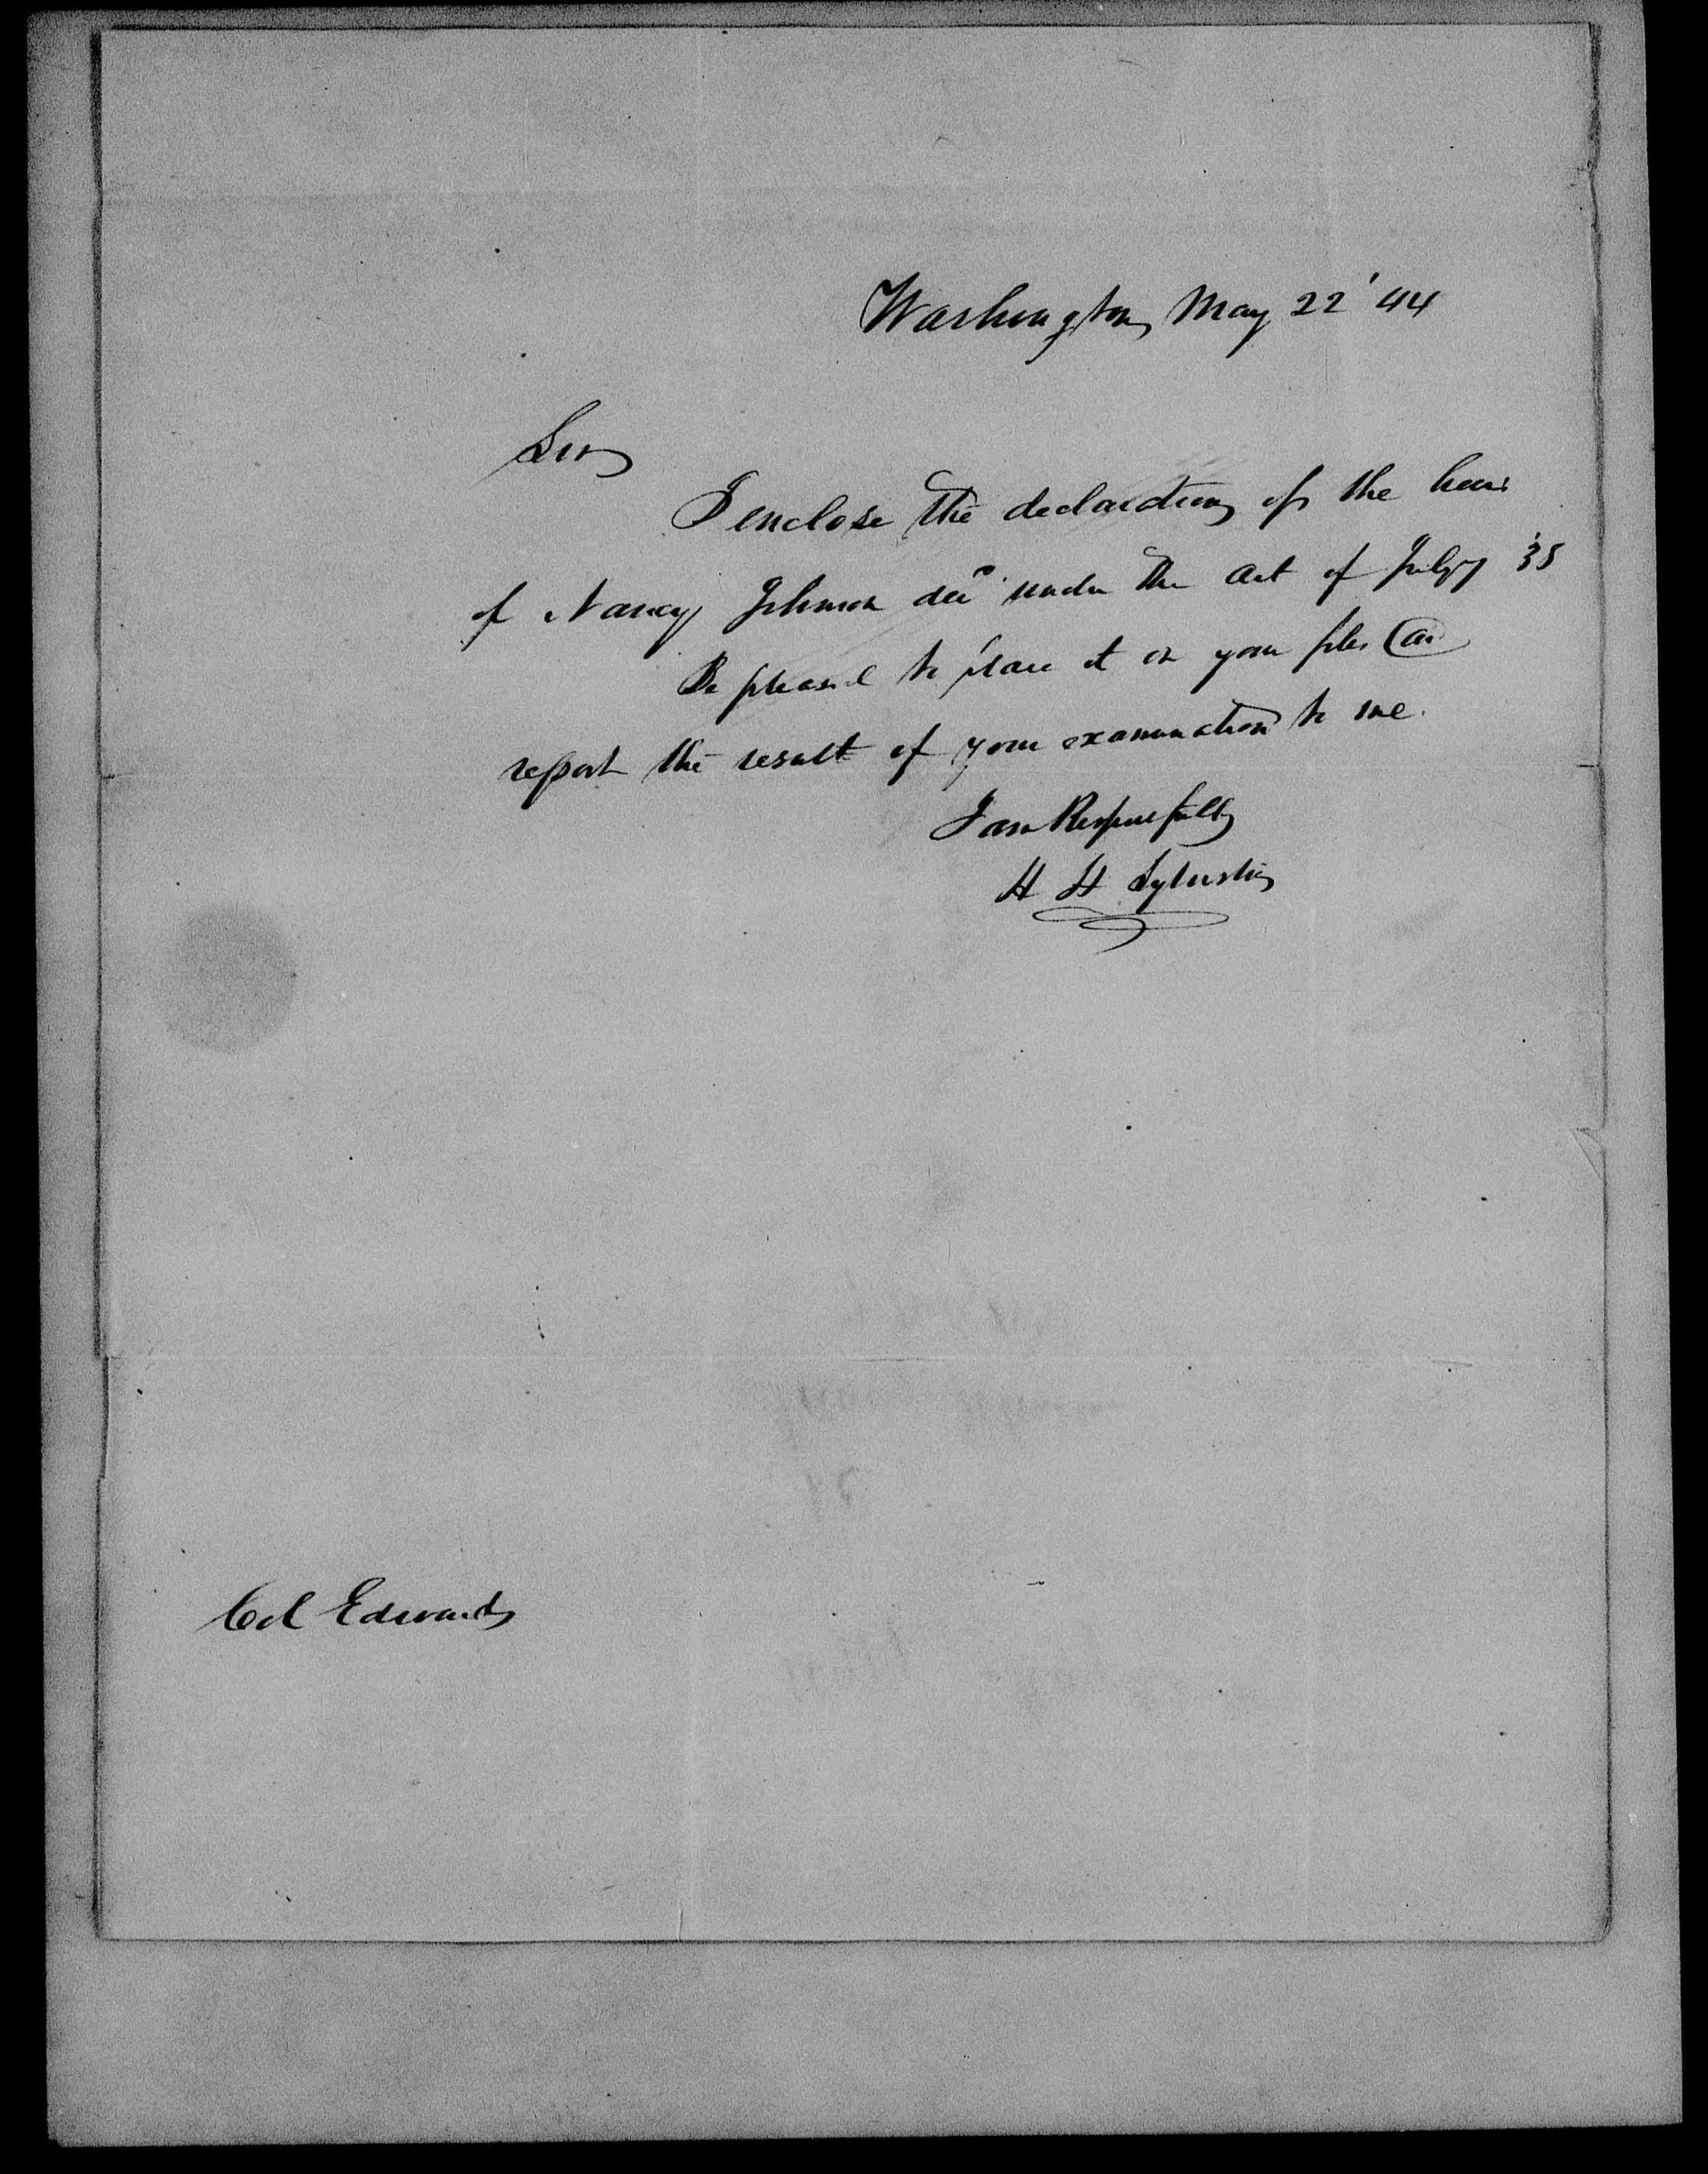Washington May 22 ‘44 

Sir
I enclose the declaration of the heirs of Nancy Johnson dec/d [deceased] under the act of July ’35 
Be pleased to place it on your files and report the result of your examination to me.
I am Respectfully 
H. H. Sylvester 

Col Edwards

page: 36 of 41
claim: widow's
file: W. 5033, for Joseph Johnston, North Carolina